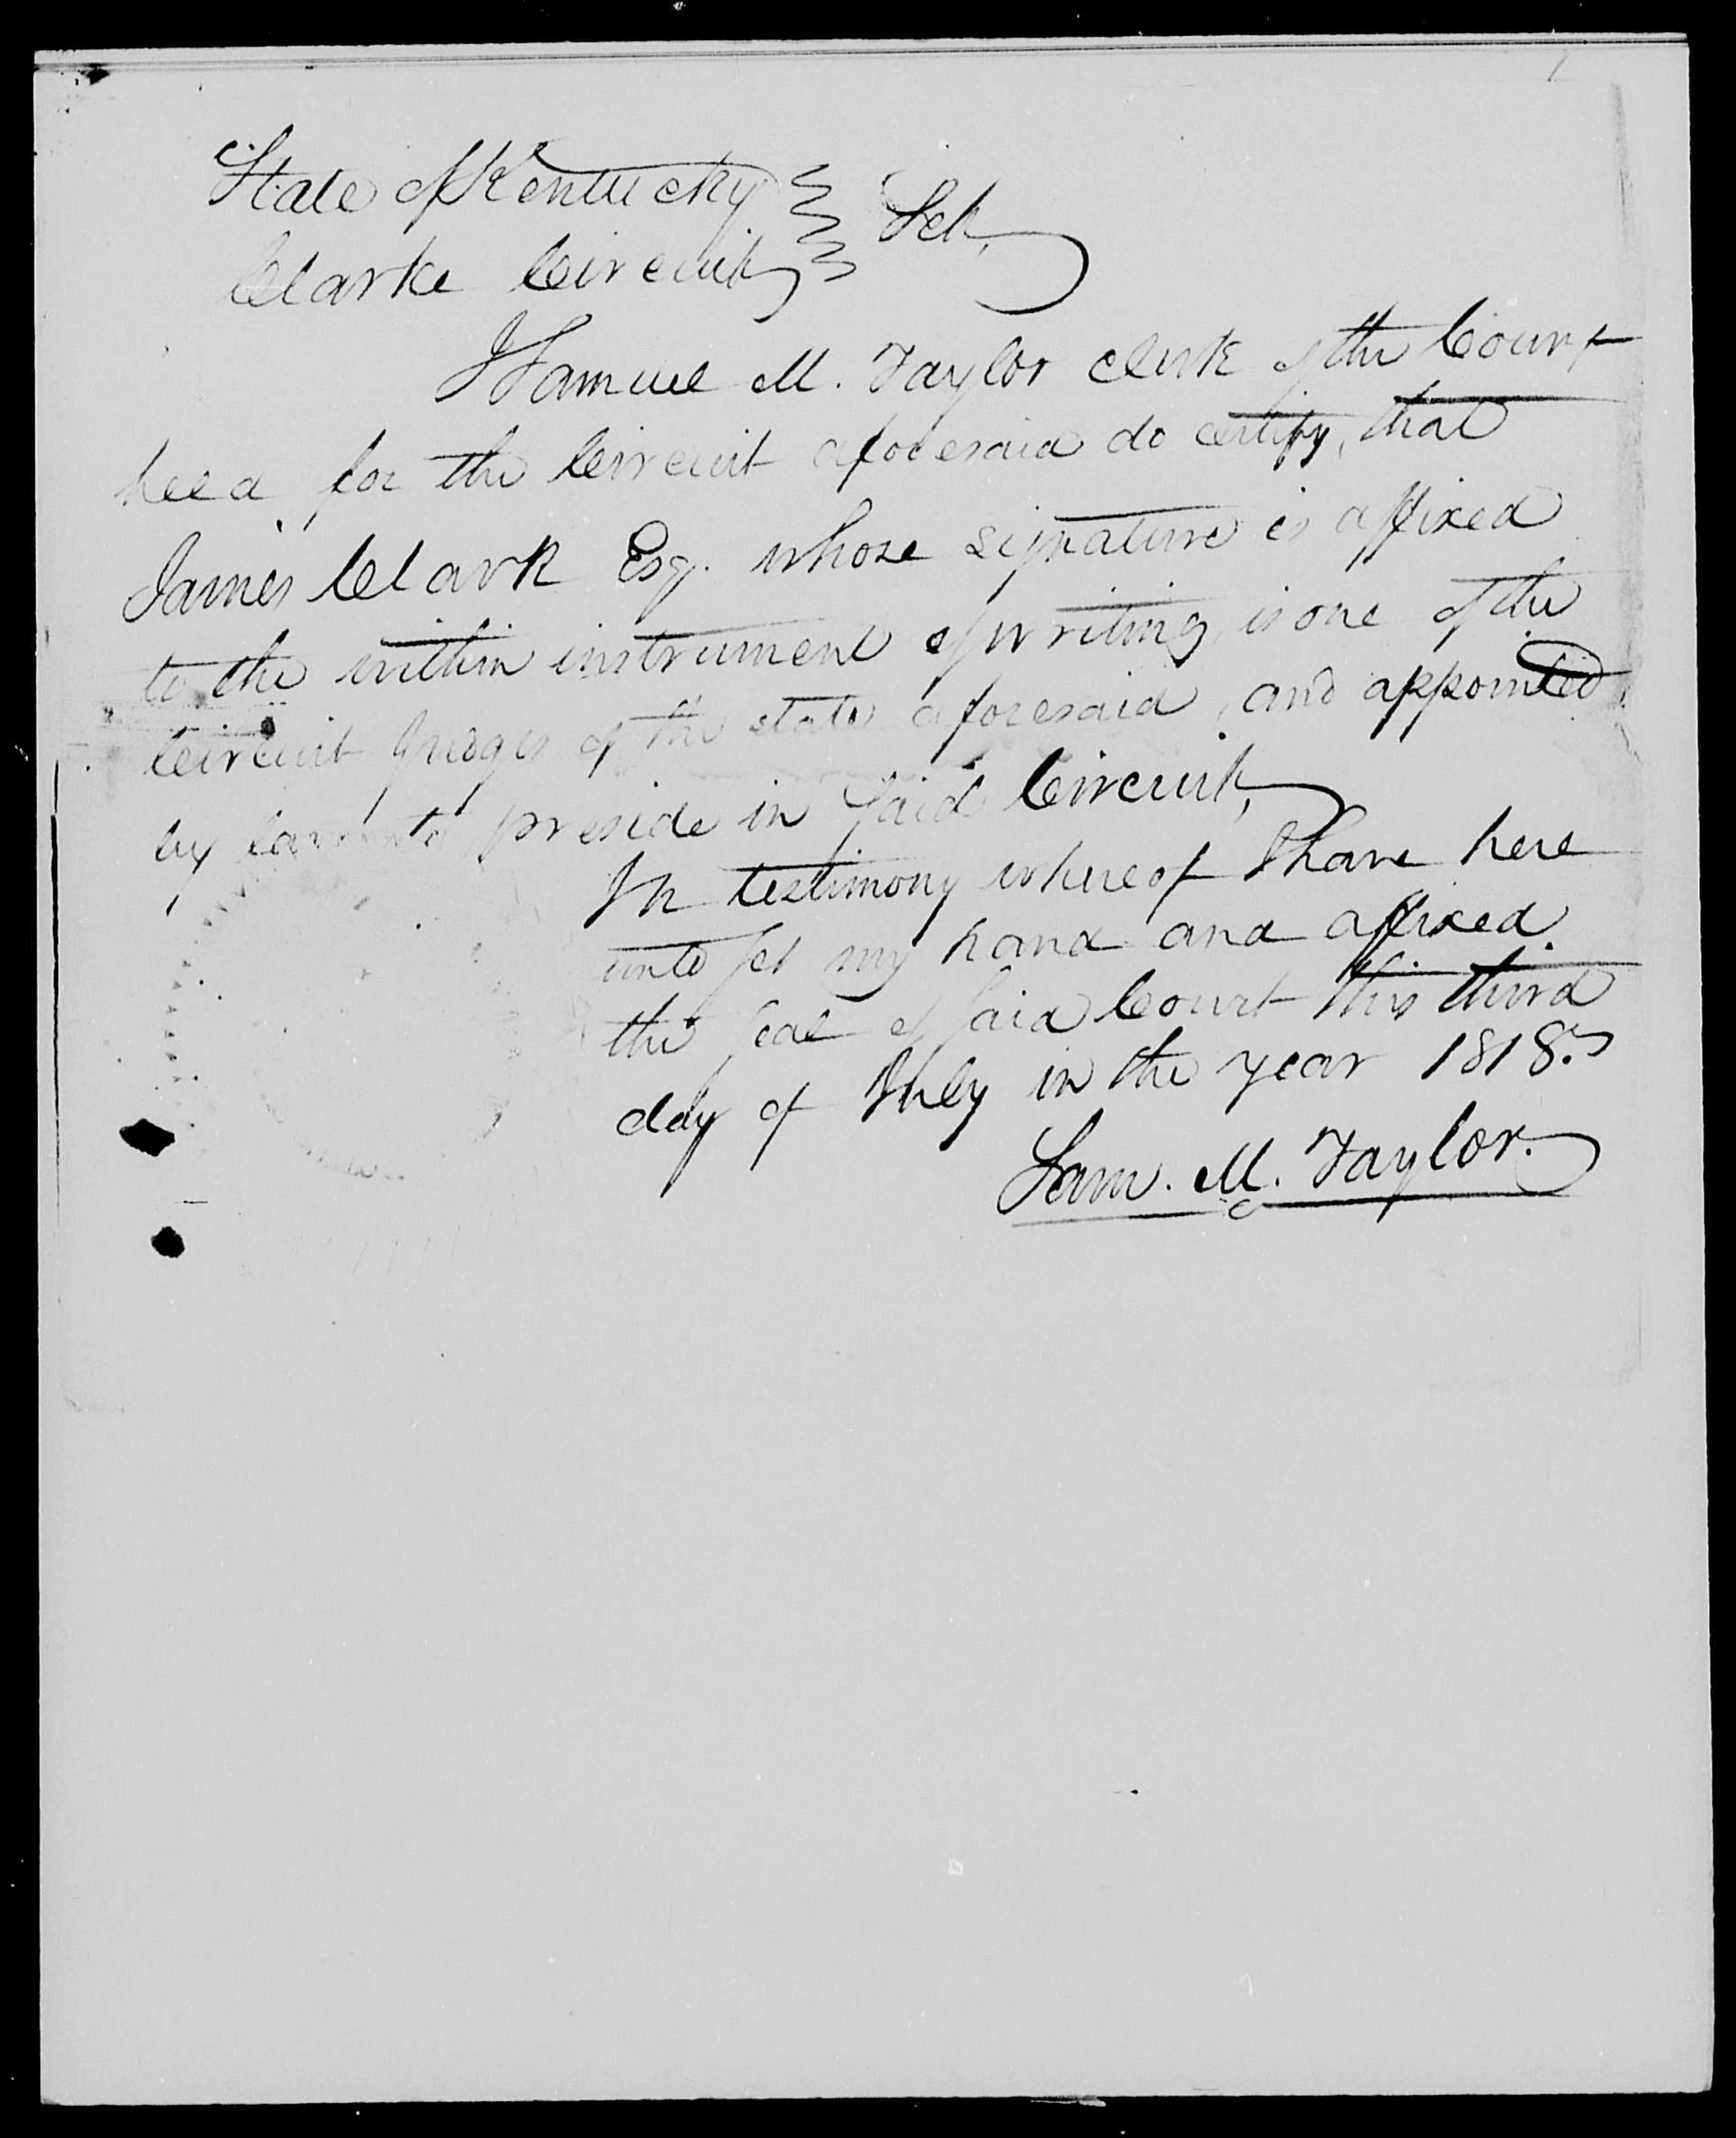State of Kentucky
Clarke Circuit Sch
I Samuel M. Taylor clerk of the Court held for the circuit aforesaid do certify, that James Clark Esq. whose signature is affixed to the written instrument of writing is appointed by law to preside in said circuit,
In testimony whereof I have here unto set my hand and affixed the seal of said court this third day of July in the year 1818.
Sam. M. Taylor.

[illegible round seal attached]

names: Samuel M Taylor, Sam M Taylor, James Clark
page: 14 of 23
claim: survivor's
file: S 35903, John Dunn, Va.